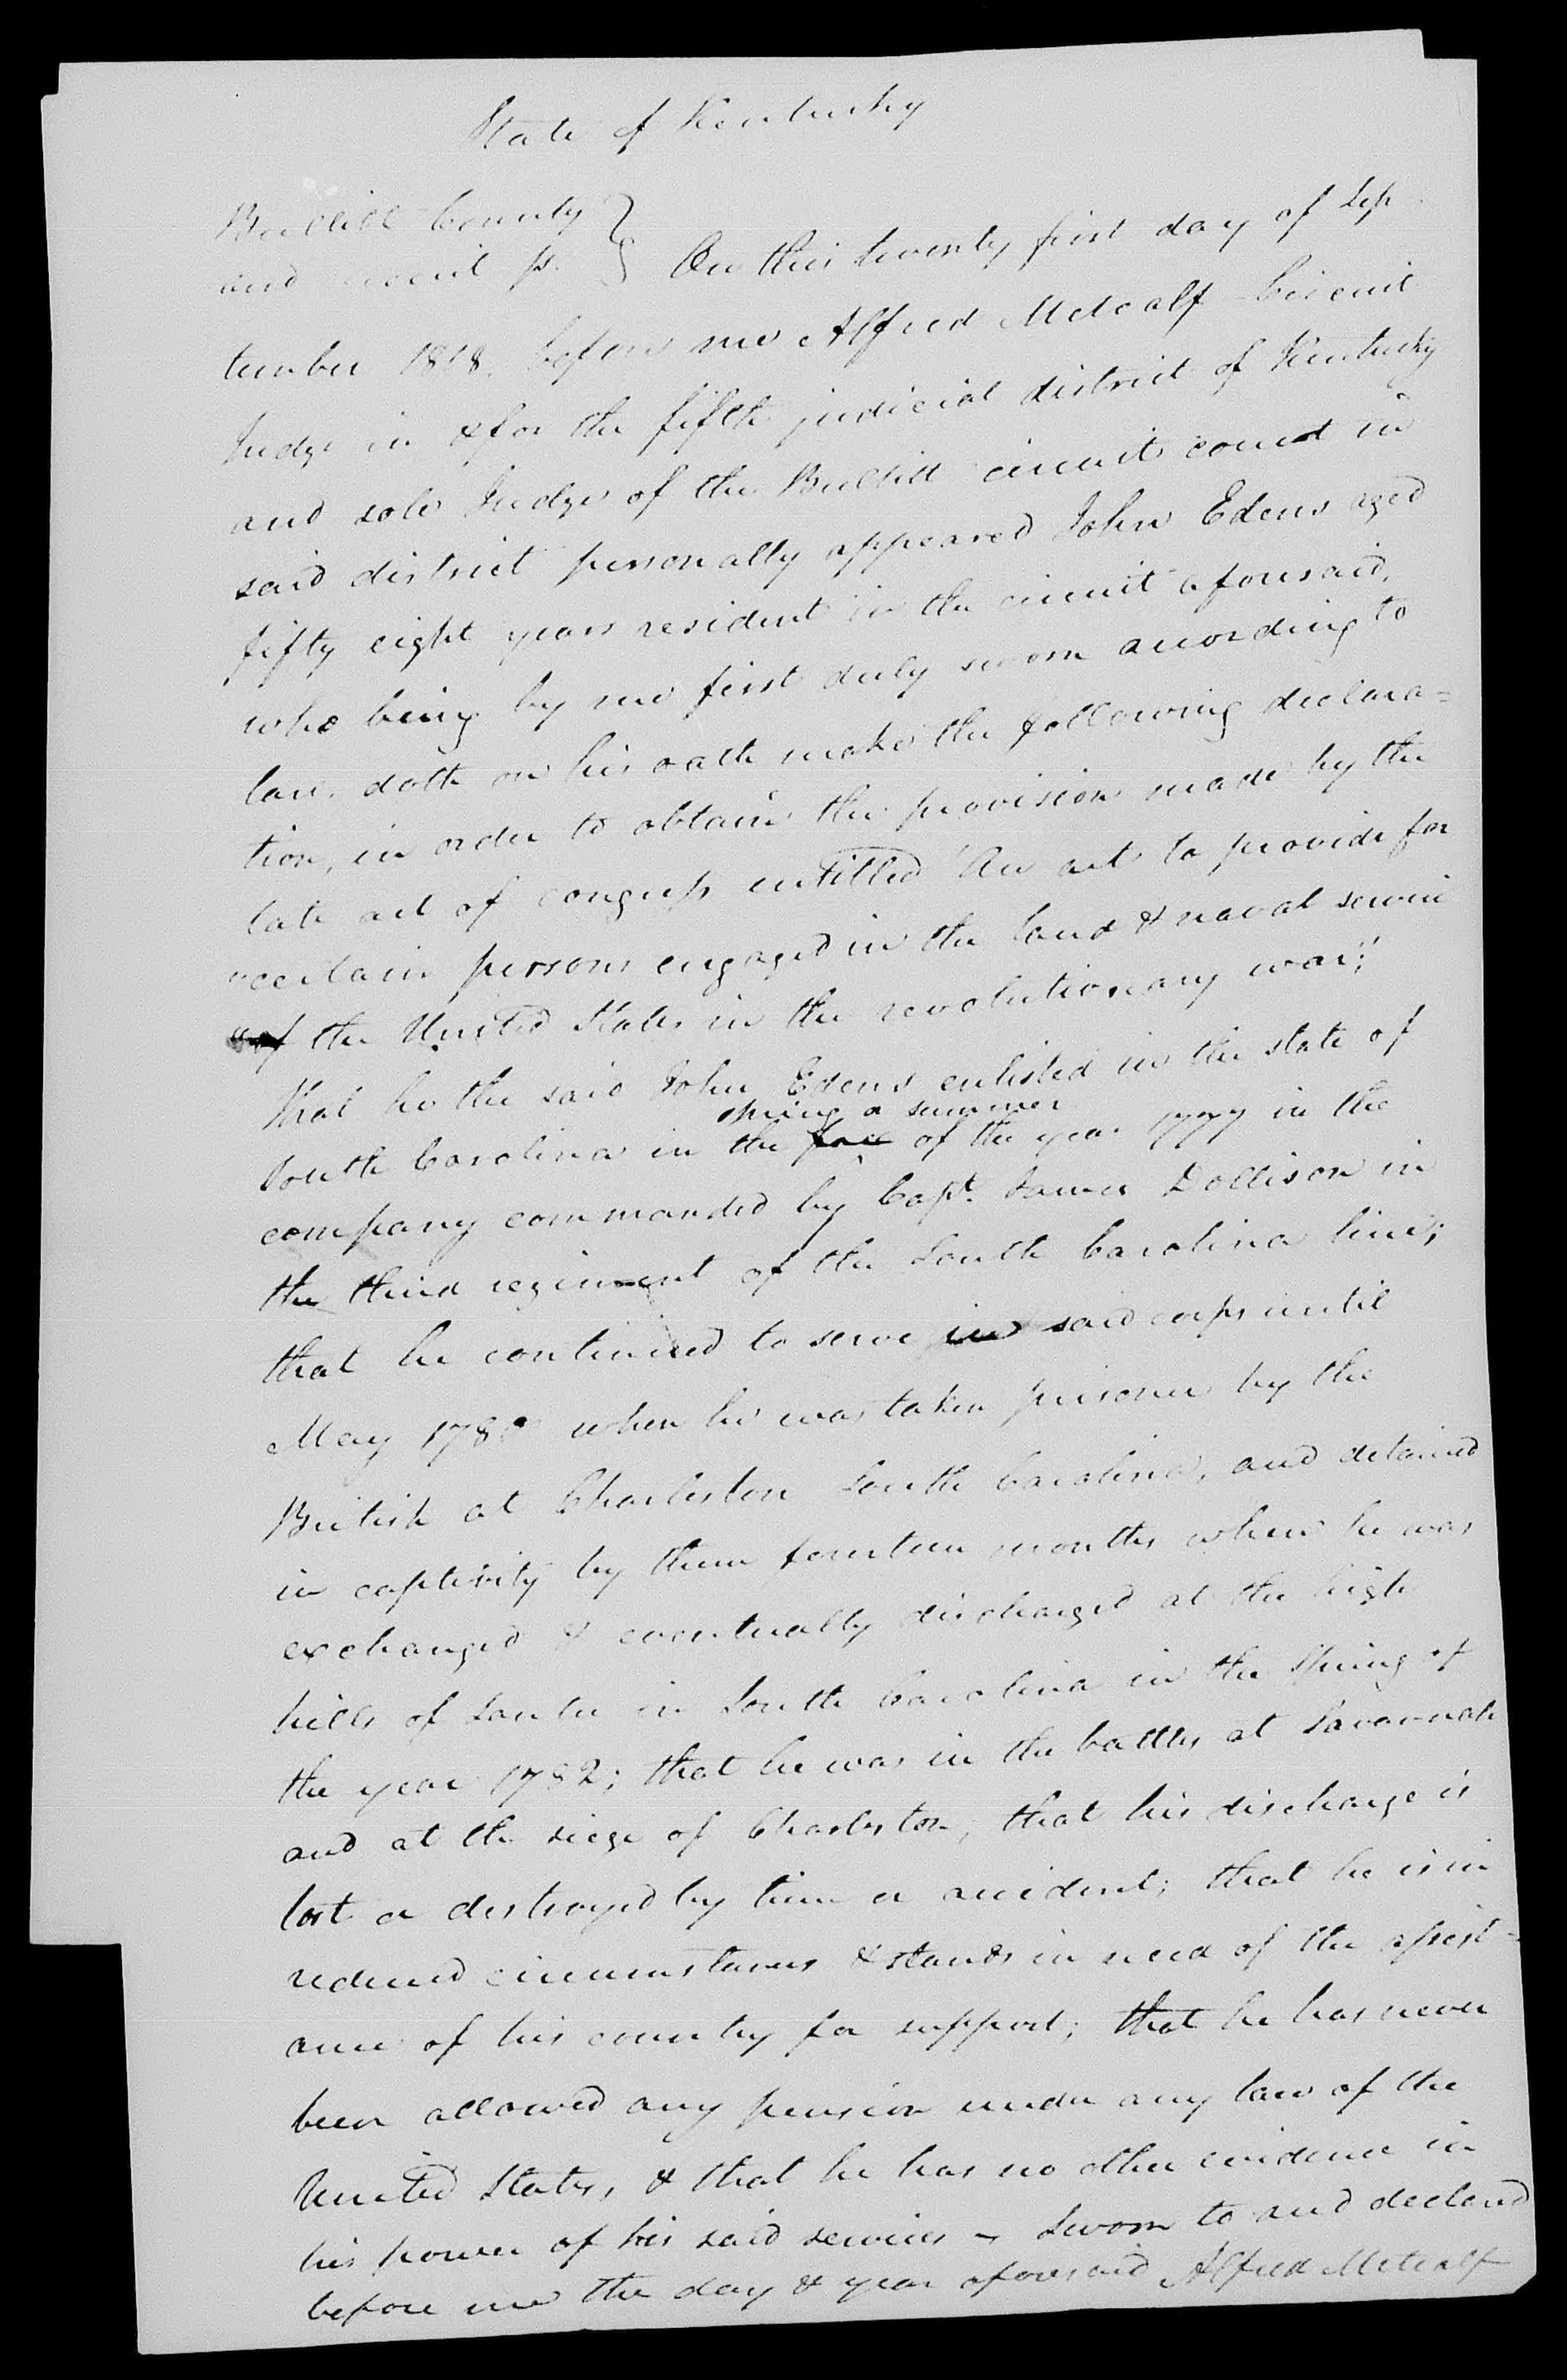State of Kentucky
Bullitt County County ⎬
5th Circuit
On this twenty first day of September 1818 before me Alfred Metcalf Circuit Judge in & for the fifth judicial district of Kentucky and sole Judge of the Bullitt circuit court in said district personally appeared John Edens aged fifty eight years resident in the circuit aforesaid who being by me first duly sworn according to law doth on his oath make the following declaration in order to obtain the provision made by the late act of Congress entitled an act to provide for certain persons engaged in the land & naval service of the United States in the revolutionary war;

That he the said John Edens enlisted in the State of South Carolina during the summer of the year 1777 in the company commanded by Capt James Dollison in the third regiment of the South Carolina line, that he continued to serve in said corps until May 1780 when he was taken prisoner by the British at Charleston South Carolina, and detained in captivity by them fourteen months when he was exchanged & eventually discharged at the high hills of Santee in South Carolina in the Spring of the year 1782; that he was in the battle at Savannah and at the siege of Charleston, that his discharge is lost a destroyed by time or resident, that he is in reduced circumstances & stands in need of the assistance one of his country for support; that he has never been allowed any pension under any law of the United States, & that he has no other evidence in his power of his said services - Sworn to and declared
before me the day & year aforesaid 
Alfred Metcalf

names: John Edens, Alfred Metcalf, John Edens, James Dollison, Alfred Metcalf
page: 3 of 14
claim: survivor's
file: S 35911, John Edens, S.C.